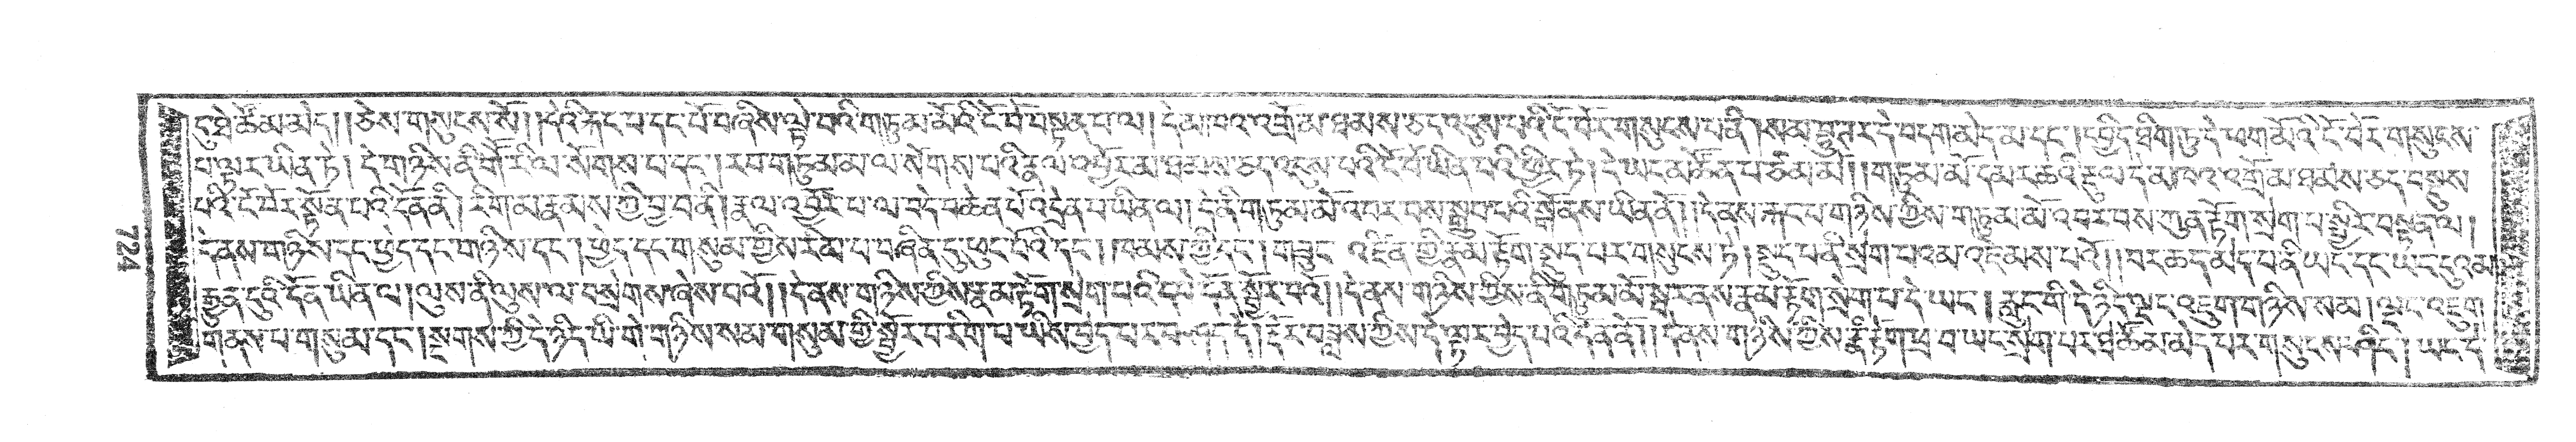དུ་ཐེ་ཚོམ་མེད། །ཅེས་གསུངས་སོ། །དེའི་རྐང་པ་དང་པོ་བཞིས་ལྟེ་བའི་གཏུམ་མོའི་ངོ་བོ་བསྟན་པ་ལ། དེ་མཁའ་འགྲོ་མ་ཐམས་ཅད་འདུས་པའི་ངོ་བོར་གསུངས་པ་ནི། སམ་བྷུ་ཊར་དེ་བདག་མེད་མ་དང་། དཔྱིད་ཐིག་ཏུ་དེ་ཕག་མོའི་ངོ་བོར་གསུངས་
པ་ལྟར་ཡིན་ཏེ། དེ་གཉིས་ནི་གཽ་རི་ལ་སོགས་པ་དང་། རབ་གཏུམ་མ་ལ་སོགས་པའི་རྣལ་འབྱོར་མ་ཐམས་ཅད་འདུས་པའི་ངོ་བོ་ཡིན་པའི་ཕྱིར་ཏེ། དེ་ཡང་མཚོན་པ་ཙམ་མོ། །གཏུམ་མོ་དམར་ཆའི་རྡུལ་དེ་མཁའ་འགྲོ་མ་ཐམས་ཅད་བསྡུས་
པའི་ངོ་བོར་སྟོན་པའི་དོན་ནི། རིག་མ་རྣམས་ཀྱི་བྱ་བ་ནི། རྣལ་འབྱོར་པ་ལ་བདེ་བ་ཆེན་པོ་འདྲེན་པ་ཡིན་ལ། དེ་ནི་གཏུམ་མོ་འབར་བས་སྒྲུབ་པའི་སྒོ་ནས་ཡིན་ནོ། །དེ་ནས་རྐང་པ་གཉིས་ཀྱིས་གཏུམ་མོ་འབར་བས་ཀུན་རྟོག་སྲེག་པ་སྤྱིར་བསྟན་ལ།
དེ་ནས་གཉིས་དང་ཕྱེད་དང་གཉིས་དང་། ཕྱེད་དང་གསུམ་གྱིས་རིམ་པ་བཞིན་དུ་ཕུང་པོའི་དང་། ཁམས་ཀྱི་དང་། གཟུང་འཛིན་གྱི་རྣམ་རྟོག་སྡུད་པར་གསུངས་ཏེ། སྡུད་པ་ནི་སྲེག་པའམ་འཇོམས་པའོ། །བར་ཆད་མེད་པ་ནི་ཡང་དང་ཡང་དུའམ་
རྒྱུན་དུའི་དོན་ཡིན་ལ། ལུས་ནི་ལུས་ལ་བསྲེགས་ཞེས་པའོ། །དེ་ནས་གཉིས་ཀྱིས་རྣམ་རྟོག་སྲེག་པའི་དཔེ་དོན་སྦྱོར་བའོ། །དེ་ནས་གཉིས་ཀྱིས་ནི་གཏུམ་མོ་སྦར་ནས་རྣམ་རྟོག་སྲེག་པ་དེ་ཡང་། རླུང་གི་དེ་ཉིད་ལྡང་འཇུག་གཉིས་སམ། ལྡང་འཇུག་
གནས་པ་གསུམ་དང་། སྔགས་ཀྱི་དེ་ཉིད་ཡི་གེ་གཉིས་སམ་གསུམ་གྱི་སྦྱོར་བ་རིག་པ་ཡིས་བྱེད་པར་བཤད་དེ། རྡོར་བཟླས་ཀྱིས་དེ་ལྟར་བྱེད་པའི་དོན་ནོ། །དེ་ནས་གཉིས་ཀྱིས་རྣམ་རྟོག་ཕྲ་བ་ཡང་སྲེག་པར་ཐེ་ཚོམ་མེད་པར་གསུངས་ཤིང་། ཡང་དེ་